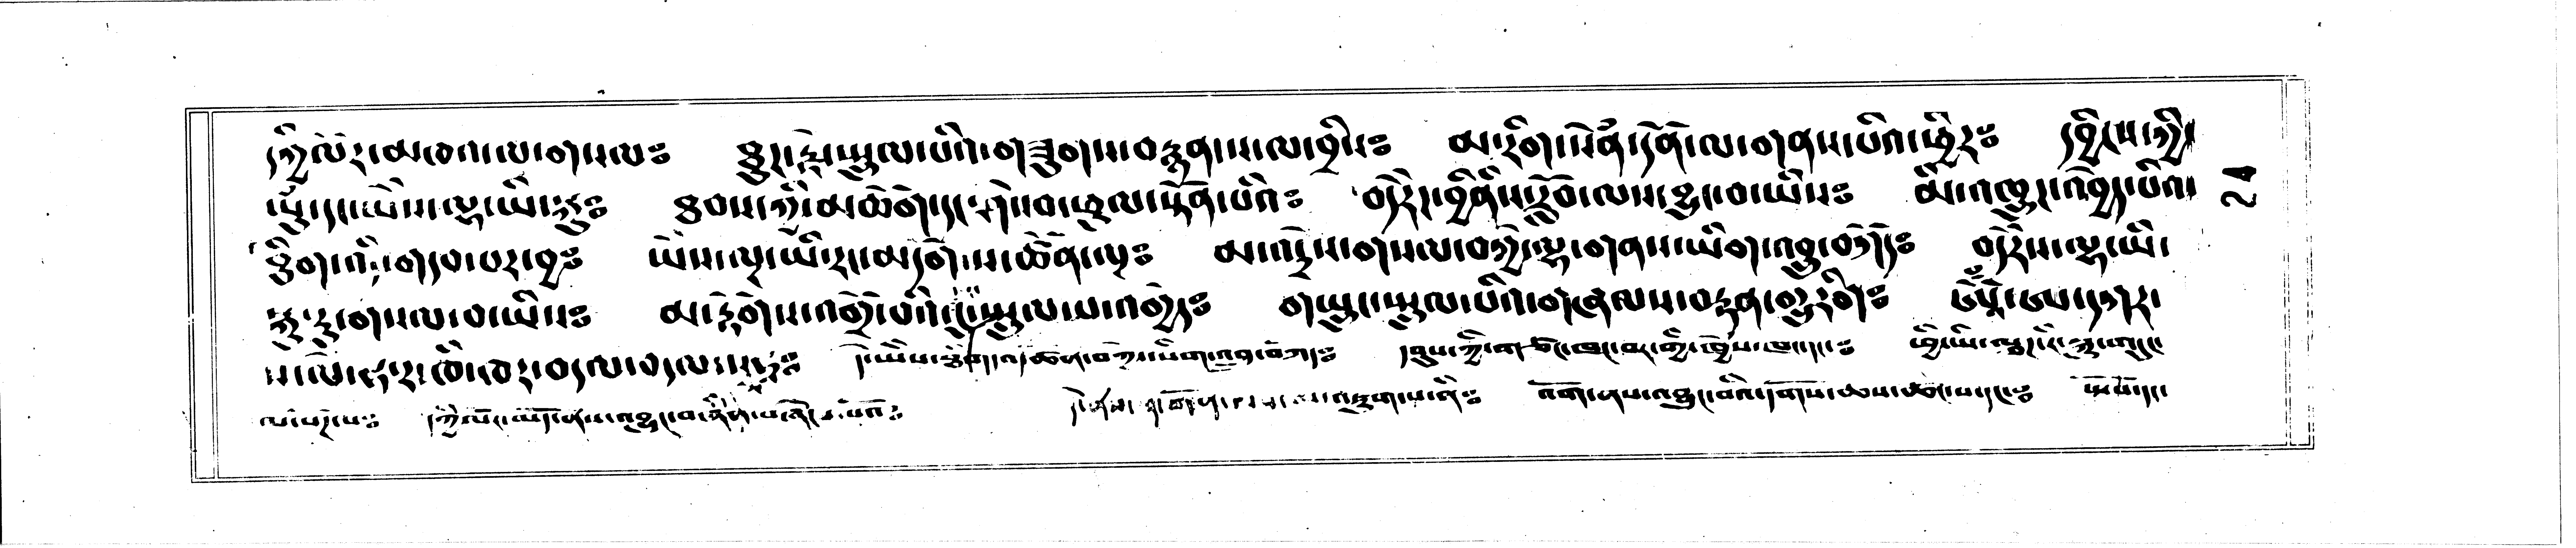དཀྱིལ་འཁོར་མཁའ་ལ་གསལཿ ཐུགས་རྗེ་སྤྲུལ་པའི་གཟུགས་བརྙན་ས་ལ་བྲིསཿ མ་རིག་སེམས་ཅན་དོན་ལ་གནས་པའི་ཕྱིརཿ དབྱིངས་ཀྱི་
ཡུམ་དང་ཡེ་ཤེས་ལྷ་ཡི་སྐུཿ ཐབས་ཀྱི་མཆོག་དང་ཤེས་རབ་ཕུལ་སྟོན་པའིཿ བདེར་གཤེགས་བྱིན་གྱིས་བརླབས་ལས་བྱུང་བ་ཡིཿ མི་འཁྲུག་འབྱེད་པའི་
ཐིག་འདི་གདབ་པར་བྱཿ ཡེ་ཤེས་ལྔ་ཡི་རང་མདོག་ས་ཚོན་ལྔཿ མ་འདྲེས་གསལ་བཀྱེ་ལྷ་གནས་ཡིག་འབྲུ་བཀོདཿ བདེར་གཤེགས་ལྷ་ཡི་
སྐུ་རུ་གསལ་བ་ཡིསཿ མ་རྟོགས་འགྲོ་བའི་དོན་དུ་སྤྲུལ་པ་འགྱེདཿ གཡུང་དྲུང་སྤྲུལ་པའི་གཞལ་ཡས་བརྟན་གྱུར་ཅིགཿ ཨཱོྃ་ཨ་དཀར་
ས་ལེ་ཧ་ར་ཁི་ཁར་བདལ་བདལ་སྭཱཧཱཿ དེ་ཡིས་ཐིག་གདབ་ཚོན་བཀྱེ་ཡིག་འབྲུ་བཀོདཿ དབུས་ཀྱི་གཙང་ཁང་བར་གྱི་ཁྱམས་ཁང་དངཿ ཕྱི་ཡི་ལྕགས་རི་སྐུ་གདུང་
ལ་སོགས་པཿ དཀྱིལ་འཁོར་མདོ་ནས་འབྱུང་བཞིན་བཞེངས་པའོཿ དེ་ནས་སྟ་གོན་ལས་ལ་འཇུག་པ་ནིཿ འོག་ནས་འབྱུང་བའི་དགོས་ཆས་ཚང་བ་དངཿ སྤོས་དང་སྤོས་དང་